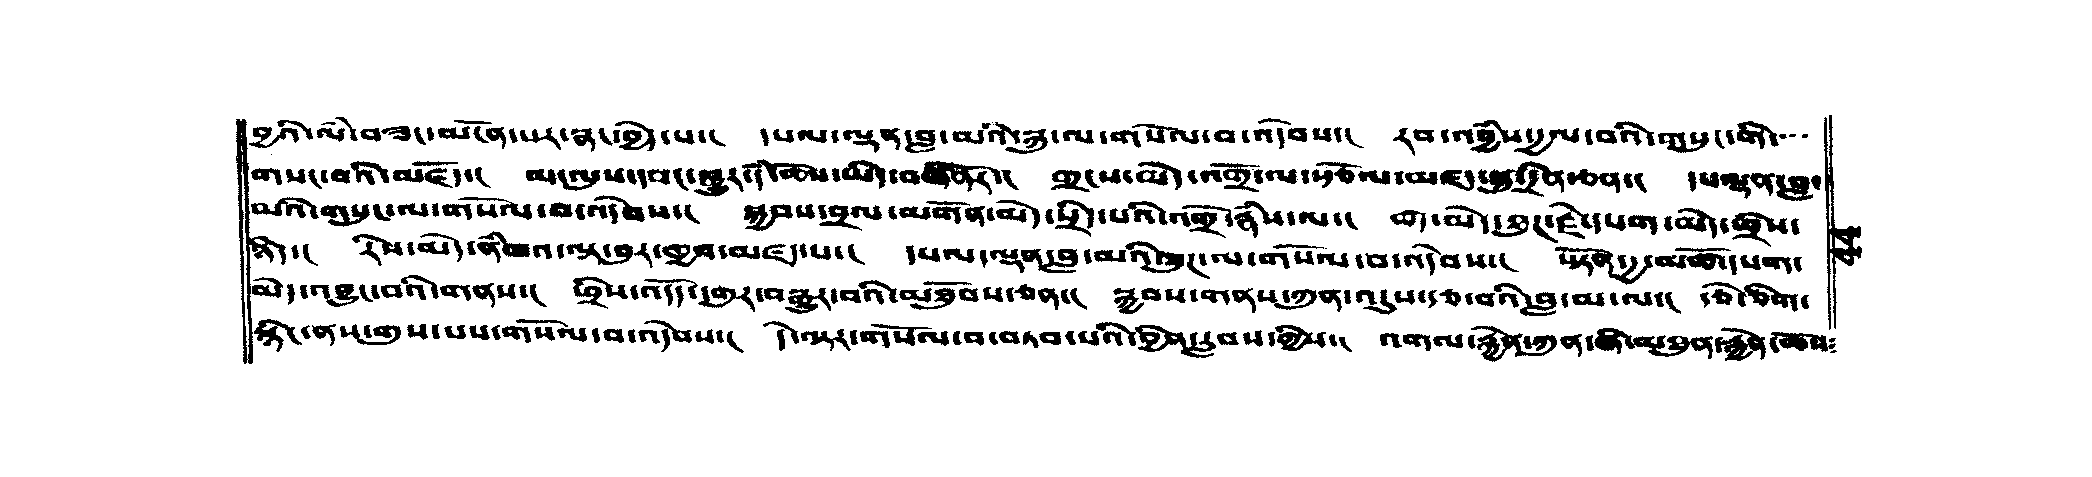བྱའི་ལམ་བཟང་མངོན་པར་སྣང་བྱེད་པ། །དཔལ་ལྡན་བླ་མའི་སྐུ་ལ་གསོལ་བ་འདེབས། །རབ་འབྱམས་རྒྱལ་བའི་གསུང་གི་
གསང་བའི་མཛོད། །མ་ལུས་དབང་སྒྱུར་དམ་ཆོས་ཡིད་བཞིན་ནོར། །གྲངས་མེད་འགྲོ་ལ་སྩོལ་མཛད་སྐུ་དྲིན་ཅན། །དཔལ་ལྡན་བླ་
མའི་གསུང་ལ་གསོལ་བ་འདེབས། །སྐྱབས་བྲལ་མགོན་མེད་སྲིད་པའི་འགྲོ་རྣམས་ལ། །ཚད་མེད་ཐུགས་རྗེ་དཔག་མེད་ཕྲིན་ལས་
ཉིད། །རིས་མེད་ནམ་མཁའ་ལྟ་བུར་ཁྱབ་མཛད་པ། །དཔལ་ལྡན་བླ་མའི་ཐུགས་ལ་གསོལ་བ་འདེབས། །ཡོན་ཏན་རྒྱ་མཚོ་དཔག་
མེད་འབྱུང་བའི་གནས། །ཕྲིན་ལས་འདོད་དགུར་བསྒྱུར་བའི་མཐུ་སྟོབས་ཅན། །སྐྱབས་གནས་ཀུན་འདུས་རྩ་བའི་བླ་མ་ལ། །རྩེ་གཅིག་
སྙིང་ནས་གུས་པས་གསོལ་བ་འདེབས། །དེ་ལྟར་གསོལ་བ་བཏབ་པའི་བྱིན་རླབས་ཀྱིས། །འགལ་རྐྱེན་ཀུན་ཞི་མཐུན་རྐྱེན་ཆོས་